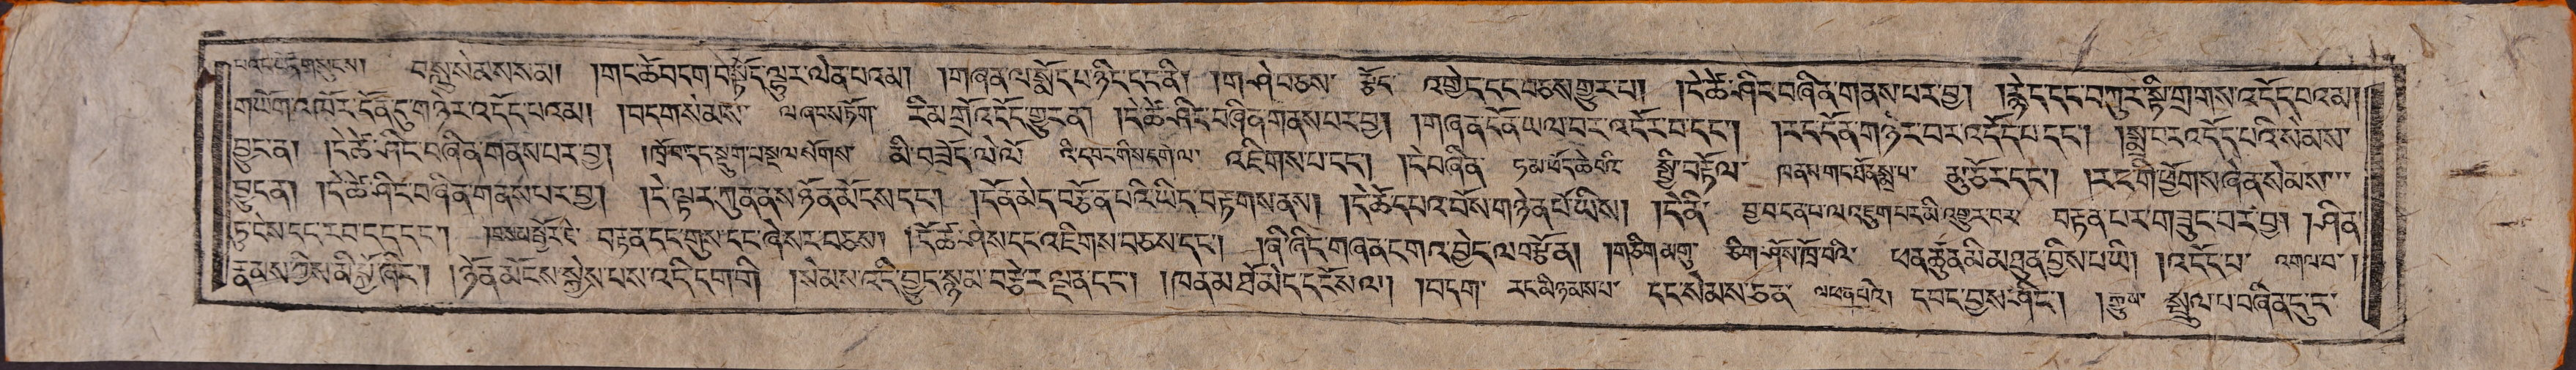བའང་ཡོད་གསུངས། བསླུ་སེམས་སམ། །གང་ཚེ་བདག་བསྟོད་ལྷུར་ལེན་པའམ། །གཞན་ལ་སྨོང་པ་ཉིད་དང་ནི། །གཤེ་བཅས་རྩོད་འགྱེད་དང་བཅས་གྱུར་པ། །དེ་ཚེ་ཤིང་བཞིན་གནས་པར་བྱ། །རྙེད་དང་བཀུར་སྟི་གྲགས་འདོད་པའམ།
གཡོག་འཁོར་དོན་དུ་གཉེར་འདོད་པའམ། །བདག་སེམས་ལ་ཞབས་ཏོག་རིམ་གྲོ་འདོད་གྱུར་ན། །དེ་ཚེ་ཤིང་བཞིན་གནས་པར་བྱ། །གཞན་དོན་ཡལ་བར་འདོར་བ་དང་། །རང་དོན་གཉེར་བར་འདོད་པ་དང་། །སྨྲ་བར་འདོད་པའི་སེམས་
བྱུང་ན། །དེ་ཚེ་ཤིང་བཞིན་གནས་པར་བྱ། །ཁྲོ་བ་དང་སྡུག་བསྔལ་སོགས་མི་བཟོད་ལེ་ལོའི་དབང་གིས་དགེ་ལ་འཇིགས་པ་དང་། །དེ་བཞིན་ཧམ་ཕོད་ཆེ་བའི་སྤྱི་བརྟོལ་ཁ་ནས་གང་ཐོན་སྨྲ་བ་མུ་ཅོར་དང་། །རང་གི་ཕྱོགས་ཞེན་སེམས་
བྱུང་ན། །དེ་ཚེ་ཤིང་བཞིན་གནས་པར་བྱ། །དེ་ལྟར་ཀུན་ནས་ཉོན་མོངས་དང་། །དོན་མེད་བརྩོན་པའི་ཡིད་བརྟགས་ནས། །དེ་ཚེ་དཔའ་བོས་གཉེན་པོ་ཡིས། །དེ་ནི་བྱ་བ་ངན་པ་ལ་འཇུག་པར་མི་འགྱུར་བར་བརྟན་པར་གཟུང་བར་བྱ། །ཤིན་
ཏུ་ངེས་དང་རབ་དད་དང་། །བསམ་སྦྱོར་ཇེ་བརྟན་དང་གུས་དང་ཞེ་སར་བཅས། །ངོ་ཚ་ཤེས་དང་འཇིགས་བཅས་དང་། །ཞི་ཞིང་གཞན་དགའ་བྱེད་ལ་བརྩོན། །གཅིག་མགུ། ཅིག་ཤོས་ཁྲོ་བའི་ཕན་ཚུན་མི་མཐུན་བྱིས་པ་ཡི། །འདོད་པ་འགལ་བ་
རྣམས་ཀྱིས་མི་སྐྱོ་ཞིང་། །ཉོན་མོངས་སྐྱེས་པས་འདི་དག་གི །སེམས་འདི་བྱུང་སྙམ་བརྩེར་ལྡན་དང་། །ཁ་ན་མ་ཐོ་མེད་དངོས་ལ། །བདག་རང་མི་ཉམས་པ་དང་སེམས་ཅན། ལ་ཕན་པའི་དབང་བྱས་ཤིང་། །སྒྱུ་མ་སྤྲུལ་པ་བཞིན་དུ་ང་